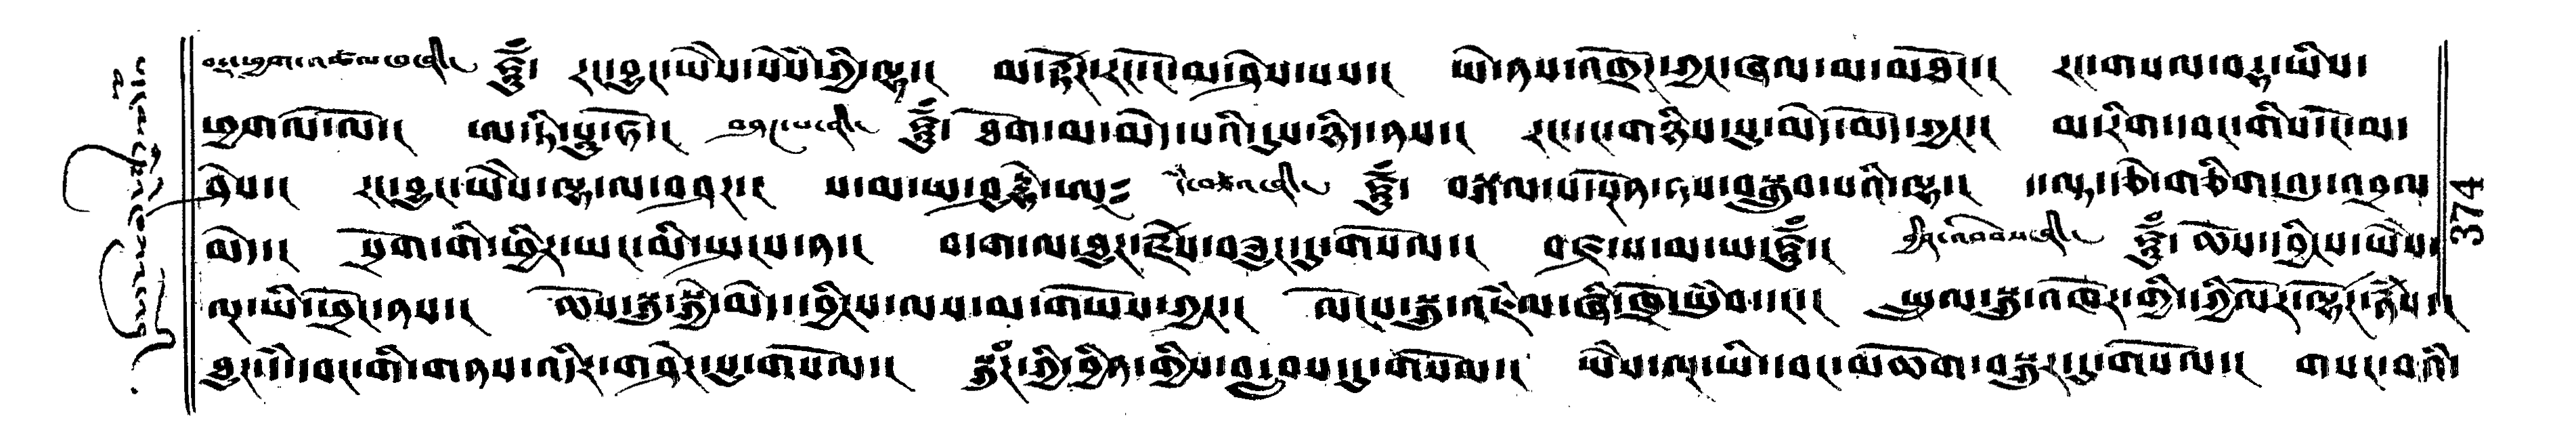བརྡ་ཕྱག་འཚལ་བ་ནི། ཧཱུྃ། རང་བྱུང་ཡེ་ཤེས་སེམས་ཀྱི་ལྷ། །མ་རྟོགས་རང་ངོ་མ་ཤེས་པས། །ཡེ་ནས་འགྲོགས་ཀྱང་ཞལ་མ་མཐོང་། །རང་གསལ་བརྡ་ཡིས་
ཕྱག་འཚལ་ལོ།ཨ་ཏི་པཱུ་ཧོ། བཤགས་པ་ནི། ཧཱུྃ། ཐོག་མ་མེད་པའི་དུས་ཉིད་ནས། །རང་དང་གཉིས་སུ་མེད་མོད་ཀྱང་། །མ་རིག་དབང་གིས་ངོ་མ་
ཤེས། །རང་བྱུང་ཡེ་ཤེས་ལྷ་ལ་བཤགས། ས་མ་ཡ་ཤུདྡྷེ་ཨཱཿ དམ་བཅའ་ནི། ཧཱུྃ། བསྐལ་པ་སྔོན་ནས་བསྒྲུབས་པའི་ལྷ། །ད་ལྟ་རྩེ་གཅིག་འདུ་འབྲལ་
མེད། །སྲོག་གི་ཕྱིར་ཡང་མི་སྤོང་ན། །བདག་ལ་ཐུགས་རྗེས་བཟུང་དུ་གསོལ། བཛྲ་ས་མ་ཡ་ཧཱུྃ། བྱིན་འབེབས་ནི། ཧཱུྃ། ཆོས་དབྱིངས་ཡེ་ཤེས་
ལྔ་ཡི་ཕོ་བྲང་ནས། །ཆོས་སྐུ་སྐྱེ་མེད་དབྱངས་ལས་མ་གཡོས་ཀྱང་། །ལོངས་སྐུ་འཇམ་དཔལ་ཞི་ཁྲོ་ཡབ་ཡུམ་དང་། །སྤྲུལ་སྐུ་འཁོར་གྱི་དཀྱིལ་འཁོར་ལྷ་ཚོགས་རྣམས། །
ཐུགས་དམ་དབང་གིས་གནས་འདིར་གཤེགས་སུ་གསོལ། །སྐུ་གསུང་ཐུགས་ཀྱི་བྱིན་གྱིས་བརླབ་དུ་གསོལ། །ཡེ་ཤེས་ལྔ་ཡི་དབང་མཆོག་བསྐུར་དུ་གསོལ། །གསང་བའི་